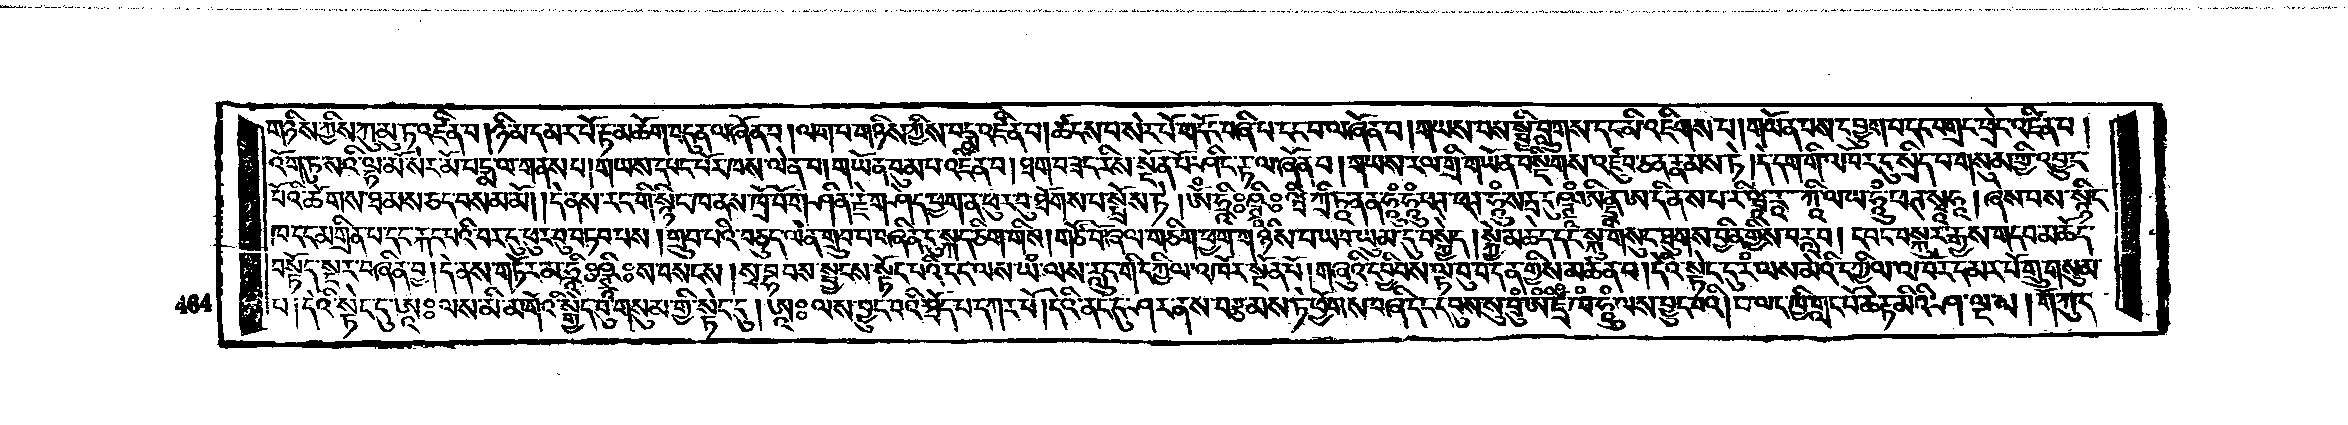གཉིས་ཀྱིས་ཀུ་མུ་ཏ་འཛིན་པ། ཉི་མ་དམར་པོ་རྟ་མཆོག་བདུན་ལ་ཞོན་པ། ལག་པ་གཉིས་ཀྱིས་པདམ་འཛིན་པ། ཚངས་པ་སེར་པོ་གདོང་བཞི་པ་དང་པ་ལ་ཞོན་པ། གཡས་པས་སྤྱི་བླུགས་དང་མི་འཇིགས་པ། གཡོན་པས་དབྱུག་པ་དང་བགྲང་ཕྲེང་འཛིན་པ།
འོག་ཏུ་སའི་ལྷ་མོ་སེར་མོ་པདམ་ལ་གནས་པ། གཡས་དབང་པོར་ཁས་ལེན་པ། གཡོན་བུམ་པ་འཛིན་པ། ཐག་བཟང་རིས་སྔོན་པོ་ཤིང་རྟ་ལ་ཞོན་པ། གཡས་རལ་གྲི་གཡོན་བསྡིགས་འཛུབ་ཅན་རྣམས་ཏེ། དེ་དག་གི་འཁོར་དུ་སྲིད་པ་གསུམ་གྱི་འབྱུང་
པོའི་ཚོགས་ཐམས་ཅད་བསམ་མོ། །དེ་ནས་རང་གི་སྙིང་ཁ་ནས་ཁྲོ་བོ་གཤིན་རྗེ་གཤེད་ཕྱག་ན་ཕུར་བུ་ཐོགས་པ་སྤྲོས་ཏེ། ཨོཾ་ཧྲཱིཿ ཥྚྲཱིཿ ཝི་ཀྲི་ཏཱ་ན་ན་ཧཱུཾ་ཧཱུཾ་ཕཊ་ཕཊ་ཧཱུཾ་སརྦ་དུཥྚྲཱི་ཨིནྜྲཱ་ཨ་དི་ན་ས་པ་རི་ཝཱ་རཱ་ཀཱི་ལ་ཡ་ཧཱུཾ་ཕཊ་སྭཱཧཱ། ཞེས་པས་སྙིང་
ཁ་དང་མགྲིན་པ་དང་རྐང་པའི་བར་དུ་ཕུར་བུ་བཏབ་པས། གྲུབ་པའི་བཅུད་ལེན་གྲུབ་པ་བཞིན་དུ་སྐད་ཅིག་གིས། གཙོ་བོ་ཞལ་གཅིག་ཕྱག་གཉིས་པ་ཡབ་ཡུམ་དུ་བསྐྱེད། སྐྱེ་མཆེད་དང་སྐུ་གསུང་ཐུགས་བྱིན་གྱིས་བརླབ། དབང་བསྐུར་རྒྱས་གདབ་མཆོད་
བསྟོད་སྔར་བཞིན་བྱ། དེ་ནས་གཏོར་མ་ཧྲཱིཿ ཥྚྲཱིཿ ས་བསངས། སྭ་བྷ་བས་སྦྱངས་སྟོང་པའི་ངང་ལས་ཡཾ་ལས་རླུང་གི་དཀྱིལ་འཁོར་སྔོན་པོ། གཞུའི་དབྱིབས་ལྟ་བུ་བ་དན་གྱིས་མཚན་པ། དེའི་སྟེང་དུ་རཾ་ལས་མེའི་དཀྱིལ་འཁོར་དམར་པོ་གྲུ་གསུམ་
པ། དེའི་སྟེང་དུ་ཨཱཿ ལས་མི་མགོའི་སྒྱིད་བུ་གསུམ་གྱི་སྟེང་དུ། ཨཱཿ ལས་བྱུང་བའི་ཐོད་པ་དཀར་པོ། དེའི་ནང་དུ་ཤར་ནས་བརྩམས་ཏེ་ཕྱོགས་བཞི་དང་དབུས་སུ་བྲུཾ་ཨཾ་ཛྲིཾ་ཁཾ་ཧཱུཾ་ལས་བྱུང་བའི། བ་ལང་ཁྱི་གླང་པོ་ཆེ་རྟ་མིའི་ཤ་ལྔ་མ། གོ་ཀུ་ད་